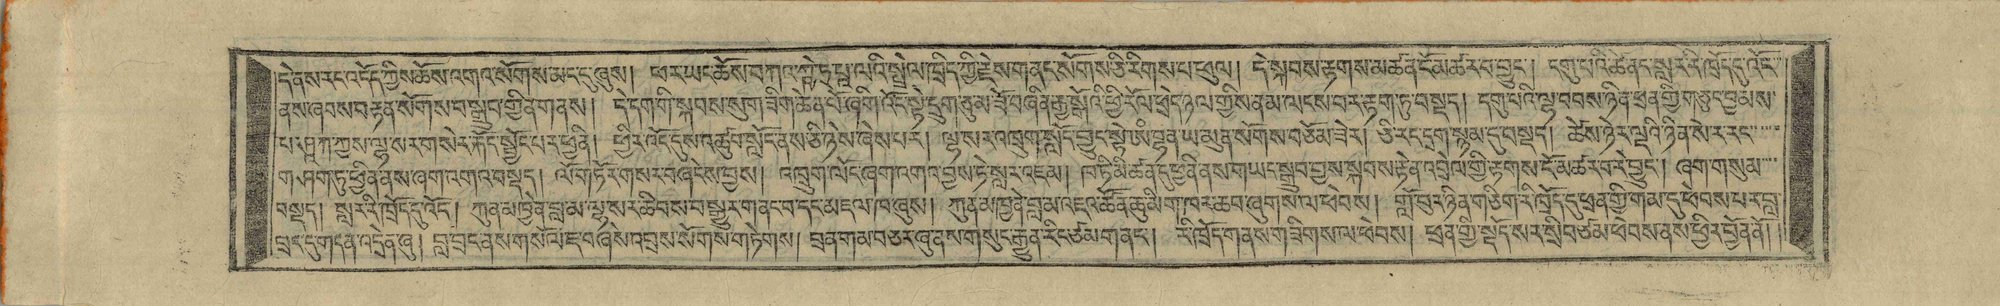དེ་ནས་རང་འདོད་ཀྱིས་ཆོས་འགའ་སོགས་མང་དུ་ཞུས། ཕར་ཡང་ཆོས་བཀའ་ཀྵེ་ཏྲ་པཱ་ལའི་སྤྲེལ་ཁྲིད་ཀྱི་རྗེས་གནང་སོགས་ཅི་རིགས་པ་ཕུལ། དེ་སྐབས་རྟགས་མཚན་ངོ་མཚར་བ་བྱུང་། དགུ་པའི་ཚེ་ནང་སླར་རི་ཁྲོད་དུ་འོང་
ནས་ཞབས་བརྟན་སོགས་བསྒྲུབ་གྱིན་གནས། དེ་དག་གི་སྐབས་སུ་གཟིག་ཆེན་པོ་ཞིག་འོང་སྟེ་དྲུག་ཅུ་མ་ཟོ་བཞིན་རྒྱ་སྒོའི་ཕྱི་རོལ་ཕྲེད་ཉལ་གྱིས་ནམ་ལངས་བར་རྟག་ཏུ་བསྡད། དགུ་པའི་ལྷ་བབས་ཉིན་ཕྲན་གྱི་གཅུང་བྱམས་
པ་ཤཱཀ་ཀྱས་ལྷ་སར་གསེར་རྐོང་སྦྱོང་པར་ཕྱིན། ཕྱིར་འོང་དུས་འཚུབ་སློང་ནས་ཅི་ཉེས་ཞེས་པར། ལྷ་སར་འཁྲུག་སློད་བྱུང་སྟེ་ཨཾ་བྷན་ཡ་མུན་སོགས་བཅོམ་ཟེར། ཅི་རང་དྲག་སྙམ་དུ་བསྡད། ཚེས་ཉེར་ལྔའི་ཉིན་སེ་ར་རང་
གཤག་ཏུ་ཕྱིན་ནས་ཞག་འགའ་བསྡད། ལོ་གཏོར་གསར་བཞེངས་བྱས། འཁྲུག་ལོང་ཞག་འགའ་བྱས་ཏེ་སླར་འཇམ། ཁ་ཏི་མི་ཚན་དུ་ཕྱིན་ནས་གཡང་སྒྲུབ་བྱས་སྐབས་རྟེན་འབྲེལ་གྱི་རྟགས་ངོ་མཚར་བ་རེ་བྱུང་། ཞག་གསུམ་
བསྡད། སླར་རི་ཁྲོད་དུ་འོང་། ཀུན་མཁྱེན་བླ་མ་ལྷ་སར་ཆིབས་བསྒྱུར་གནང་བ་དང་མཇལ་ཁ་ཞུས། ཀུན་མཁྱེན་བླ་མ་འཇའ་ཚོན་ཆུ་མིག་ཁར་ཆབ་ཞུགས་ལ་ཕེབས། གློ་བུར་ཉིན་གཅིག་རི་ཁྲོད་དུ་ཕྲན་གྱི་གམ་དུ་ཕེབས་པར་བླ་
བྲང་དུ་གདན་འདྲེན་ཞུ། བླ་བྲང་ནས་གསོལ་ཇ་བཞེས་འབྲས་སོགས་གཏེགས། བྲན་གམ་བཅར་ཞུ་ནས་གསུང་རྒྱུན་རིང་ཙམ་གནང་། རི་ཁྲོད་གནས་གཟིགས་ལ་ཕེབས། ཕྲན་གྱི་སྡོད་སར་སྲིབ་ཙམ་ཕེབས་ནས་ཕྱིར་བྱོན་ནོ། །